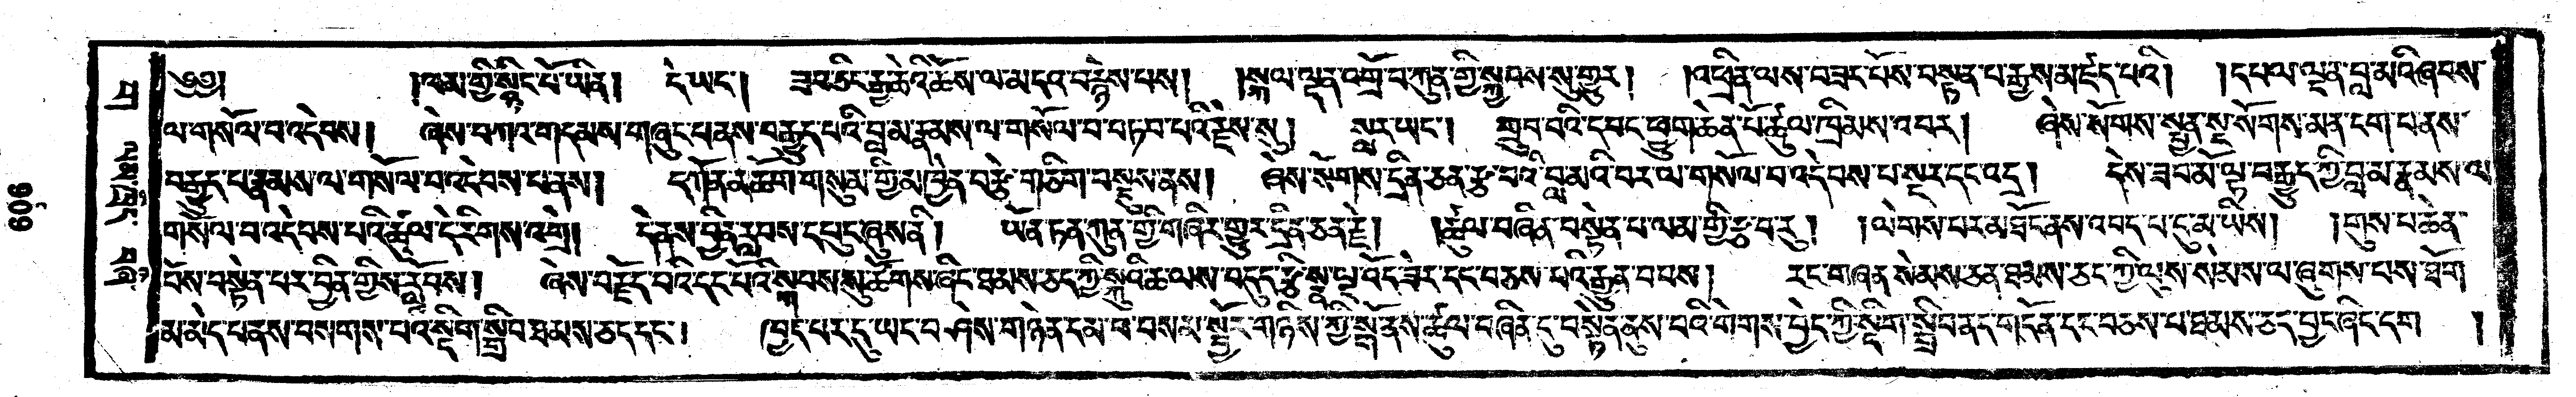༄༅། །ལམ་གྱི་སྙིང་པོ་ཡིན། དེ་ཡང་། ཟབ་ཅིང་རྒྱ་ཆེའི་ཆོས་ལ་མདའ་བརྙེས་པས། །སྐལ་ལྡན་འགྲོ་བ་ཀུན་གྱི་སྐྱབས་སུ་གྱུར། །འཕྲིན་ལས་བཟང་པོས་བསྟན་པ་རྒྱས་མཛད་པའི། །དཔལ་ལྡན་བླ་མའི་ཞབས་
ལ་གསོལ་བ་འདེབས། ཞེས་བཀའ་གདམས་གཞུང་པ་ནས་བརྒྱུད་པའི་བླ་མ་རྣམས་ལ་གསོལ་བ་བཏབ་པའི་རྗེས་སུ། སླར་ཡང་། གྲུབ་པའི་དབང་ཕྱུག་ཆེན་པོ་ཚུལ་ཁྲིམས་འབར། ཞེས་སོགས་སྤྱན་སྔ་སོགས་མན་ངག་པ་ནས་
བརྒྱུད་པ་རྣམས་ལ་གསོལ་བ་འདེབས་པ་ནས། དཀོན་མཆོག་གསུམ་གྱི་མཁྱེན་བརྩེ་གཅིག་བསྡུས་ནས། ཞེས་སོགས་དྲིན་ཅན་རྩ་བའི་བླ་མའི་བར་ལ་གསོལ་བ་འདེབས་པ་སྔར་དང་འདྲ། དེས་ཟབ་མོ་ལྟ་བརྒྱུད་ཀྱི་བླ་མ་རྣམས་ལ་
གསོལ་བ་འདེབས་པའི་ཚུལ་དེ་རིགས་འགྲེ། དེ་ནས་བྱིན་རླབས་དཔུང་ཞུས་ནི། ཡོན་ཏན་ཀུན་གྱི་གཞིར་གྱུར་དྲིན་ཅན་རྗེ། །ཚུལ་བཞིན་བསྟེན་པ་ལམ་གྱི་རྩ་བ་རུ། །ལེགས་པར་མཐོང་ནས་འབད་པ་དུ་མ་ཡིས། །གུས་པ་ཆེན་
པོས་བསྟེན་པར་བྱིན་གྱིས་རློབས། ཞེས་བརྗོད་པའི་དང་པོའི་སྐབས་སུ་ཚོགས་ཞིང་ཐམས་ཅད་ཀྱི་སྐུའི་ཆ་ལས་བདུད་རྩི་སྣ་ལྔ་འོད་ཟེར་དང་བཅས་པའི་རྒྱུན་བབས། རང་གཞན་སེམས་ཅན་ཐམས་ཅད་ཀྱི་ལུས་སེམས་ལ་ཞུགས་པས་ཐོག་
མ་མེད་པ་ནས་བསགས་པའི་སྡིག་སྒྲིབ་ཐམས་ཅད་དང་། ཁྱད་པར་དུ་ཡང་བཤེས་གཉེན་དམ་པ་བསམ་སྦྱོར་གཉིས་ཀྱི་སྒོ་ནས་ཚུལ་བཞིན་དུ་བསྟེན་ནུས་བའི་གེགས་བྱེད་ཀྱི་སྡིག་སྒྲིབ་ནད་གདོན་དང་བཅས་པ་ཐམས་ཅད་བྱང་ཞིང་དག །